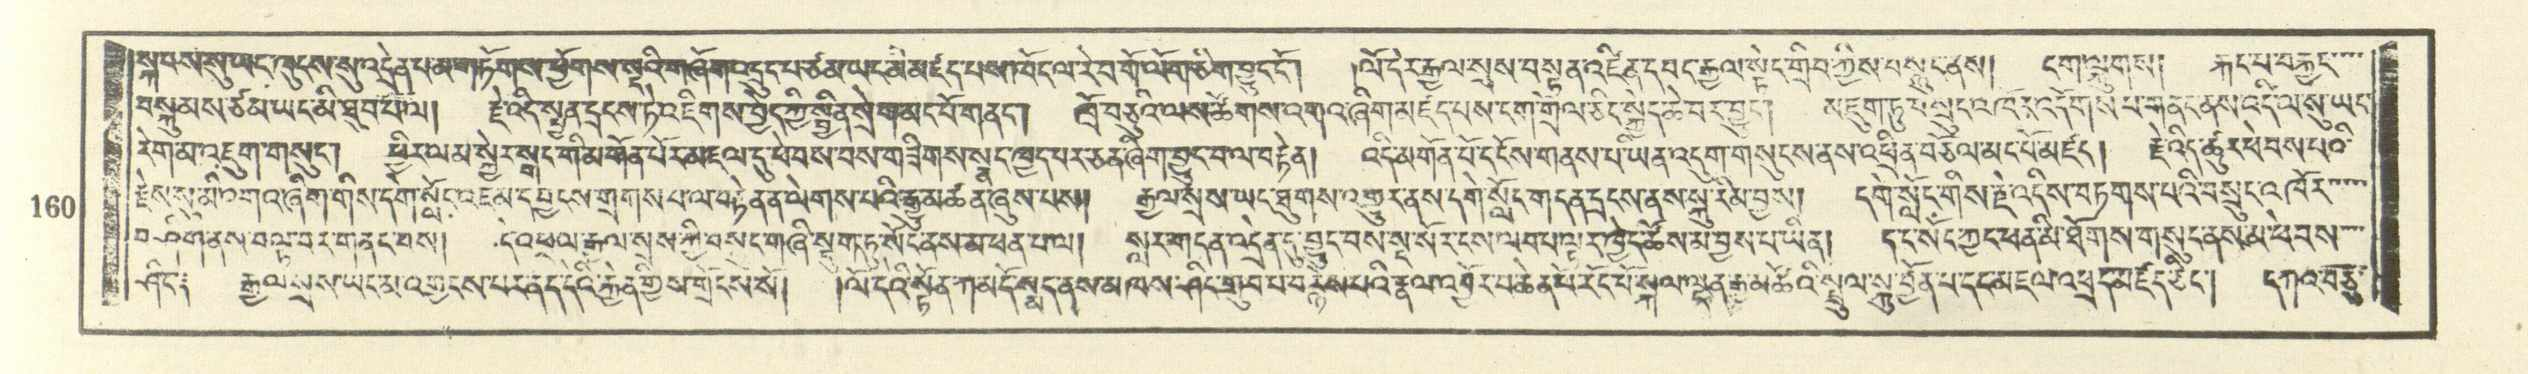སྐབས་སུ་ཡང་ཁུངས་སུ་འདྲེན་པ་མ་གཏོགས་ཕྱོགས་སྔའི་གཞོག་འདྲུད་པ་ཙམ་ཡང་མི་མཛད་པས་ཁོང་ལ་རེ་བ་གོ་ལོག་ཅིག་བྱུང་ངོ། །ལོ་དེར་རྒྱལ་སྲས་བསྟན་འཛིན་དབང་རྒྱལ་སྟེང་གྲིབ་ཀྱིས་བསྙུང་ནས། ངག་ལྐུགས༑ རྐང་པ་བརྐྱང་
བསྐུམས་ཙམ་ཡང་མི་ཐུབ་པ་ལ། རྗེ་འདི་སྤྱན་དྲངས་ཏེ་འཇིགས་བྱེད་ཀྱི་སྦྱིན་སྲེག་མང་པོ་གནང་། ཁྲོ་བཅུའི་ལས་ཚོགས་འགའ་ཞིག་མཛད་པས་ངག་གྲོལ་ཅིང་སྐྱེད་ཆེ་བར་བྱུང་། མཇུག་ཏུ་བསྲུང་འཁོར་འདོགས་པ་གནང་ནས་འདི་ལ་སུ་ཡང་
རེག་མ་འཇུག་གསུང་། ཕྱིར་ལམ་སྐྱེར་སྒང་གི་མགོན་པོར་མཇལ་དུ་ཕེབས་པས་གཟིགས་སྣང་ཁྱད་པར་ཅན་ཞིག་བྱུང་བ་ལ་བརྟེན། འདི་མགོན་པོ་དངོས་གནས་པ་ཡིན་འདུག་གསུངས་ནས་འཕྲིན་བཅོལ་མང་པོ་མཛད། རྗེ་འདི་ཚུར་ཕེབས་པའི་
རྗེས་སུ་མི་འགའ་ཞིག་གིས་དགེ་སློང་འཇམ་དབྱངས་གྲགས་པ་ལ་བརྟེན་ན་ལེགས་པའི་རྒྱུ་མཚན་ཞུས་པས། རྒྱལ་སྲས་ཡང་ཐུགས་འགྱུར་ནས་དགེ་སློང་གདན་དྲངས་ནས་སྐུ་རིམ་བྱས། དགེ་སློང་གིས་རྗེ་འདིས་བཏགས་པའི་བསྲུང་འཁོར་
བཤིག་ནས་བལྟ་བར་གནང་བས། དེ་འཕྲལ་རྒྱལ་སྲས་ཀྱི་བསྙུང་གཞི་སྡུག་ཏུ་སོང་ནས་མ་ཕན་པ་ལ། སླར་གདན་འདྲེན་དུ་བྱུང་བས་སྔ་སོར་ངས་ལབ་པ་ལྟར་ཁྱེད་ཚོས་མ་བྱས་པ་ཡིན། ད་ང་སོང་ཀྱང་ཕན་མི་ཐོགས་གསུང་ནས་མ་ཕེབས་
ཤིང༑ རྒྱལ་སྲས་ཡང་མ་འགྱངས་པར་ནད་དེའི་རྐྱེན་གྱིས་གྲོངས་སོ། །ལོ་དེའི་སྟོན་ཀ་མདོ་སྨད་ནས་མཁས་ཤིང་གྲུབ་པ་བརྙེས་པའི་རྣལ་འབྱོར་པ་ཆེན་པོ་རོང་པོ་སྐལ་ལྡན་རྒྱ་མཚོའི་སྤྲུལ་སྐུ་བྱོན་པ་དང་མཇལ་འཕྲད་མཛད་ཅིང་། དཀའ་བཅུ་